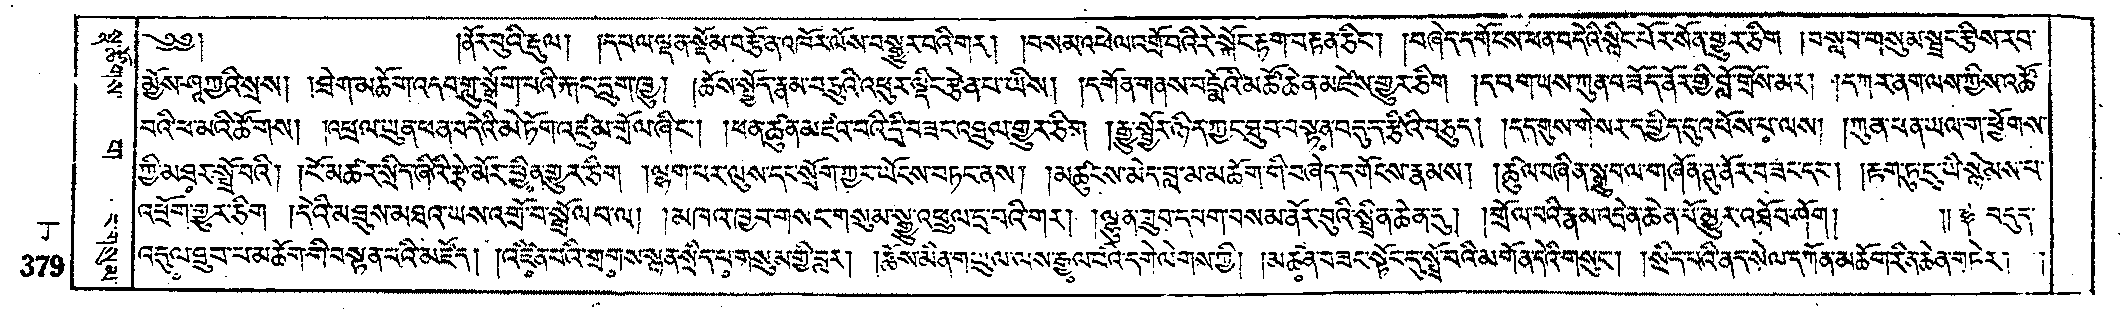༄༅། །ནོར་བུའི་རྡུལ། །དཔལ་ལྡན་སྡོམ་བརྩོན་འཁོར་ལོས་བསྒྱུར་བའི་གར། །བསམ་འཕེལ་འགྲོ་བའི་རེ་སྐོང་རྟག་བརྟན་ཅིང་། །བཞེད་དགོངས་ཕན་བདེའི་སྙིང་པོར་སོན་གྱུར་ཅིག །བསླབ་གསུམ་སྦྲང་རྩིས་རབ་
མྱོས་ཤཱཀྱ་སྲས། །ཐེག་མཆོག་འདབ་གླུ་སྒྲོག་པའི་རྐང་དྲུག་ཁྱུ། །ཆོས་སྦྱོད་རྣམ་བཅུའི་འཕུར་ལྡིང་རྩེན་པ་ཡིས། །དགོན་གནས་པདམོའི་མཚོ་ཆེན་མཛེས་གྱུར་ཅིག །དཔག་ཡས་ཀུན་བཟོད་ནོར་གྱི་བློ་གྲོས་མར། །དཀར་ནག་ལས་ཀྱིས་འཚོ་
བའི་ཕ་མའི་ཚོགས། །འཕྲལ་ཡུན་ཕན་བདེའི་མེ་ཏོག་འཛུམ་གྲོལ་ཞིང་། །ཕན་ཚུན་མཛའ་བའི་དྲི་བཟང་འཐུལ་གྱུར་ཅིག །རྒྱུ་སྦྱོར་ཉིད་ཀྱང་ཐུབ་བསྟན྾་བདུད་རྩིའི་བཅུད། །དད་གུས་གེ་སར་དཔྱིད་དུ་འཕོས་པ྾་ལས། །ཀུན་ཕན་ཡལ་ག་ཕྱོགས་
ཀྱི་མཐར྾་སྤྲོ་བའི། །ངོ་མཚར་སྲིད་ཞིའི་རྩེ་མོར་ཕྱིན྾་གྱུར་ཅིག །ལྷག་པར་ལུས་དང་སྲོག་ཀྱང་ཡོངས་བཏང་ནས། །མཚུངས་མེད་བླ་མ་མཆོག་གི་བཞེད་དགོངས་རྣམས། །ཚུལ་བཞིན་སྒྲུབ་ལ་གཞོན་ནུ་ནོར་བཟང་དང་། །རྟག་ཏུ་ངུ་ཡི་སྙེམས་པ་
འཕྲོག་གྱུར་ཅིག །དེའི་མཐུས་མཐའ་ཡས་འགྲོ་བ་སྒྲོལ་བ་ལ། །མཁའ་ཁྱབ་གསང་གསུམ་སྒྱུ་འཕྲུལ་དྲ་བའི་གར། །ལྷུན་གྲུབ་དཔག་བསམ་ནོར་བུའི་སྤྲིན་ཆེན་དུ། །གྲོལ་བའི་རྣམ་འདྲེན་ཆེན་པོ་མྱུར་འཐོབ་ཤོག། །། འ་བདུད་
འདུལ྾་ཐུབ་པ་མཆོག་གི་བསྟན་པའི་མཛོད། །འཛིན྾་པའི་གྲགས྾་སྙན་སྲིད་པ྾་གསུམ་གྱི་བླར། །ཆོས་མིན་གཡུལ་ལས་རྒྱལ྾་བའི་དགེ་ལེགས་ཀྱི། །མཚན྾་བཟང་སྟོང་དུ་སྤྲོ་བའི་མགོན་དེའི་གསུང་། །སྲིད་པའི་ནད་སེལ་དཀོན་མཆོག་རིན་ཆེན་གཏེར། །